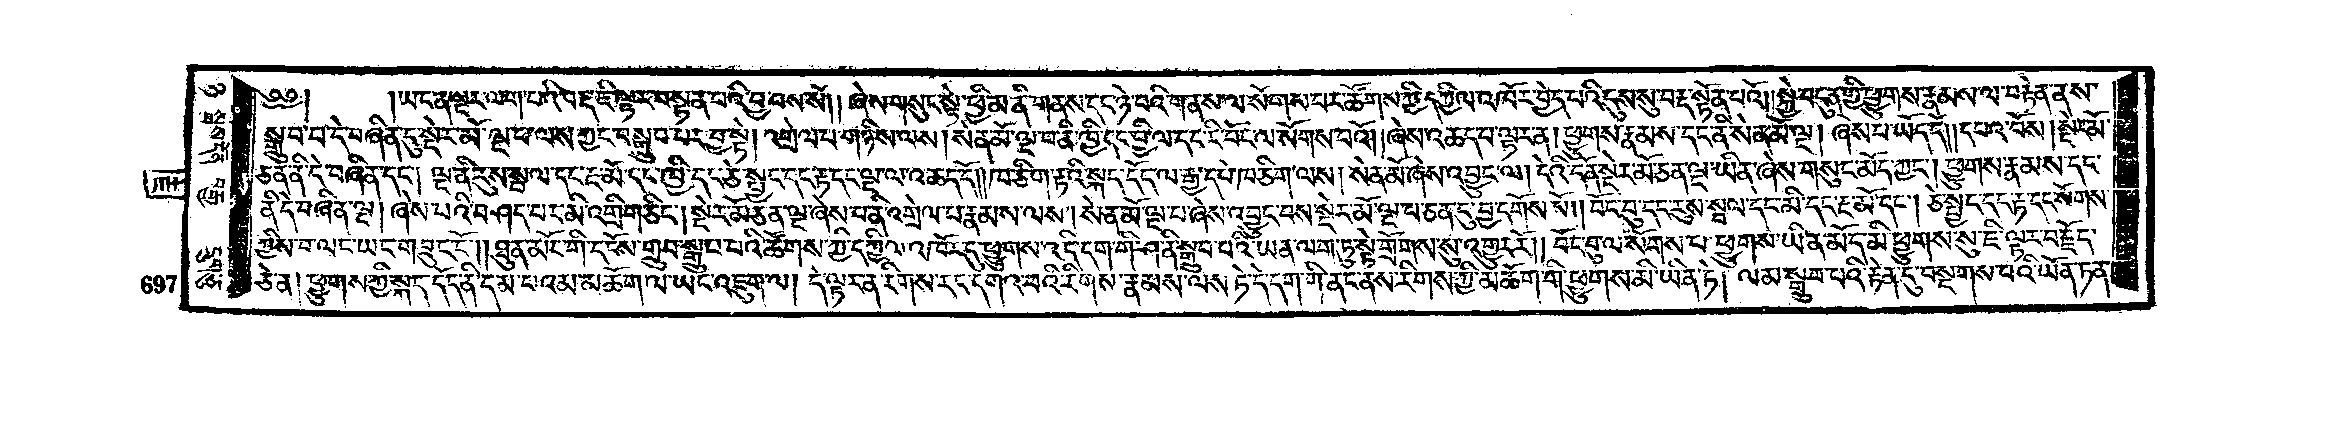༄༅། །ཡང་ན་སྔར་ལག་པའི་བརྡ་ཇི་ལྟར་བསྟན་པའི་བྱ་བས་སོ། །ཞེས་གསུང་སྟེ་ཕྱི་མ་ནི་གནས་དང་ཉེ་བའི་གནས་ལ་སོགས་པར་ཚོགས་ཀྱི་དཀྱིལ་འཁོར་བྱེད་པའི་དུས་སུ་བརྡ་སྟོན་པའོ། །སྐྱེ་བདུན་གྱི་ཕྱུགས་རྣམས་ལ་བརྟེན་ནས་
སྒྲུབ་པ་དེ་བཞིན་དུ་སྡེར་མོ་ལྔ་པ་ལས་ཀྱང་བསྒྲུབ་པར་བྱ་སྟེ། འགྲེལ་པ་གཉིས་ལས། སེན་མོ་ལྔ་པ་ནི་ཁྱི་དང་བྱི་ལ་དང་རི་བོང་ལ་སོགས་པའོ། །ཞེས་འཆད་པ་ལྟར་ན། ཕྱུགས་རྣམས་དང་ནི་སེན་མོ་ལྔ། ཞེས་པ་ཡོད་དོ། །དཔའ་བོས། སྡེར་མོ་
ཅན་ནི་དེ་བཞིན་དང་། ལྔ་ནི་རུས་སྦལ་དང་རྔ་མོ་དང་ཁྱི་དང་ཅེ་སྤྱང་དང་རྟ་དང་ལྔ་ལ་འཆད་དོ། །ཁ་ཅིག་རྟའི་སྐད་དོད་ལ་རྒྱ་དཔེ་ཁ་ཅིག་ལས། སེན་མོ་ཞེས་འབྱུང་ལ། དེའི་དོན་སྡེར་མོ་ཅན་ལྔ་ཡིན་ཞེས་གསུང་མོད་ཀྱང་། ཕྱུགས་རྣམས་དང་
ནི་དེ་བཞིན་ལྔ། ཞེས་པའི་བཤད་པར་མི་འགྲིག་ཅིང་། སྡེར་མོ་ཅན་ལྔ་ཞེས་པ་ནི་འགྲེལ་པ་རྣམས་ལས། སེན་མོ་ལྔ་པ་ཞེས་འབྱུང་བས་སྡེར་མོ་ལྔ་པ་ཅན་དུ་བྱ་དགོས་སོ། །བོང་བུ་དང་རུས་སྦལ་དང་མི་དང་རྔ་མོ་དང་། ཅེ་སྤྱང་དང་རྟ་དང་སོགས་
ཀྱིས་བ་ལང་ཡང་གཟུང་ངོ། །ཐུན་མོང་གི་དངོས་གྲུབ་སྒྲུབ་པའི་ཚོགས་ཀྱི་དཀྱིལ་འཁོར་དུ་ཕྱུགས་འདི་དག་གི་ཤ་ནི་སྒྲུབ་པའི་ཡན་ལག་ཏུ་སྟེ་གྲོགས་སུ་འགྱུར་རོ། །བོང་བུ་ལ་སོགས་པ་ཕྱུགས་ཡིན་མོད་མི་ཕྱུགས་སུ་ཇི་ལྟར་བརྗོད་
ཅེ་ན། ཕྱུགས་ཀྱི་སྐད་དོད་ནི་དམ་པའམ་མཆོག་ལ་ཡང་འཇུག་ལ། དེ་ལྟར་ན་རིགས་རང་དགའ་བའི་རིགས་རྣམས་ལས་ཏེ་དེ་དག་གི་ནང་ནས་རིགས་ཀྱི་མཆོག་གི་ཕྱུགས་མི་ཡིན་ཏེ། ལམ་སྒྲུབ་པའི་རྟེན་དུ་བསྔགས་པའི་ཡོན་ཏན་